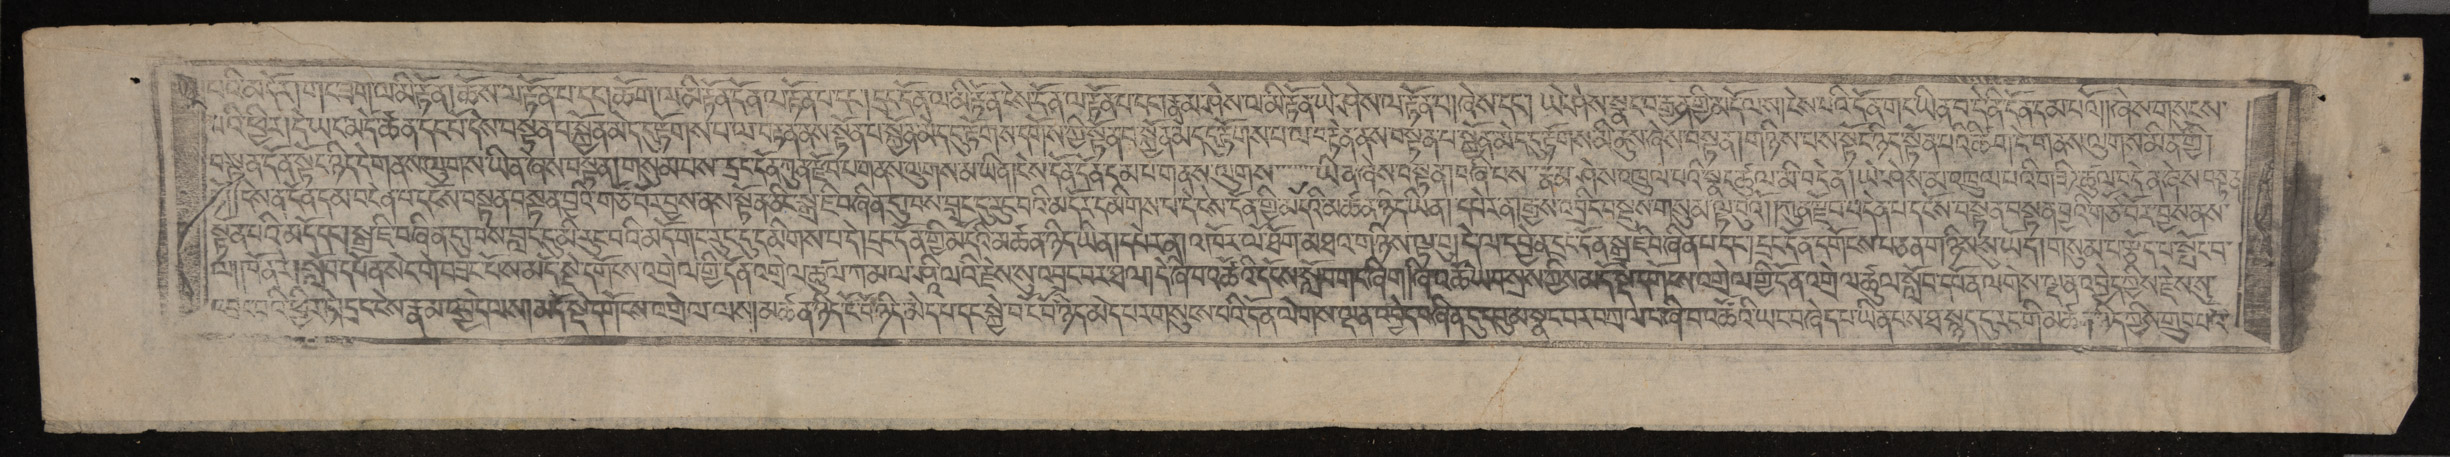པའི་མདོར། གང་ཟག་ལ་མི་རྟོན། ཆོས་ལ་རྟོན་པ་དང་། ཚིག་ལ་མི་རྟོན་དོན་ལ་རྟོན་པ་དང་། དྲང་དོན་ལ་མི་རྟོན་ངེས་དོན་ལ་རྟོན་པ་དང་། རྣམ་ཤེས་ལ་མི་རྟོན་ཡེ་ཤེས་ལ་རྟོན་པ། ཞེས་དང་། ཡེ་ཤེས་སྣང་བ་རྒྱན་གྱི་མདོ་ལས། ངེས་པའི་དོན་གང་ཡིན་པ་དེ་ནི་དོན་དམ་པའོ། །ཞེས་གསུངས་
པའི་ཕྱིར། དེ་ཡང་མདོ་ཚན་དང་པོ་དེས་བསྟན་པ་སྐྱོན་མེད་དུ་རྟོགས་པ་ལ་བརྟེན་ནས་སྟོན་པ་སྐྱོན་མེད་དུ་རྟོགས་དགོས་ཀྱི་སྟོན་པ་སྐྱོན་མེད་དུ་རྟོགས་པ་ལ་བརྟེན་ནས་བསྟན་པ་སྐྱོན་མེད་དུ་རྟོགས་མི་ནུས་ཞེས་བསྟན། གཉིས་པས་སྟོང་ཉིད་སྟོན་པའི་ཚིག་དེ་གནས་ལུགས་མིན་གྱི།
བསྟན་དོན་སྟོང་ཉིད་དེ་གནས་ལུགས་ཡིན་ཞེས་བསྟན། གསུམ་པས་དྲང་དོན་ཀུན་རྫོབ་པ་གནས་ལུགས་མ་ཡིན། ངེས་དོན་དོན་དམ་པ་གནས་ལུགས་ཡིན་ཞེས་བསྟན། བཞི་པས་རྣམ་ཤེས་འཁྲུལ་བའི་སྣང་ཚུལ་མི་བདེན། ཡེ་ཤེས་མ་འཁྲུལ་པའི་གཟིགས་ཚུལ་བདེན་ཞེས་བསྟན་
ཏོ། །དེས་ན་དོན་དམ་བདེན་པ་དངོས་བསྟན་བསྟན་བྱའི་གཙོ་བོར་བྱས་ནས་སྟོན་ཅིང་སྒྲ་ཇི་བཞིན་དུ་ཁས་བླང་དུ་རུང་བའི་མདོར་དམིགས་པ་དེ་ངེས་དོན་གྱི་མདོའི་མཚན་ཉིད་ཡིན། དཔེར་ན། རྒྱས་འབྲིང་བསྡུས་གསུམ་ལྟ་བུའོ། །ཀུན་རྫོབ་བདེན་པ་དངོས་བསྟན་བསྟན་བྱའི་གཙོ་བོར་བྱས་ནས་
སྟོན་པའི་མདོ་དང་། སྒྲ་ཇི་བཞིན་དུ་ཁས་བླང་དུ་མི་རུང་བའི་མདོ་གང་རུང་དུ་དམིགས་པ་དེ། དྲང་དོན་གྱི་མདོའི་མཚན་ཉིད་ཡིན། དཔེར་ན། འཁོར་ལོ་ཐོག་མཐའ་གཉིས་ལྟ་བུ། དེ་ལ་དབྱེ་ན་དྲང་དོན་སྒྲ་ཇི་བཞིན་པ་དང་། དྲང་དོན་དགོངས་པ་ཅན་གཉིས་སུ་ཡོད། གསུམ་པ་རྩོད་པ་སྤོང་བ་
ལ། ཁོ་ན་རེ། སློབ་དཔོན་སེང་གེ་བཟང་པོས་མདོ་སྡེ་དགོངས་འགྲེལ་གྱི་དོན་འགྲེལ་ཚུལ་ཀ་མ་ལ་ཤཱི་ལའི་རྗེས་སུ་འབྲང་བར་ཐལ། དེ་ཞི་བ་འཚོའི་དངོས་སློབ་གང་ཞིག། ཞི་འཚོ་ཡབ་སྲས་ཀྱིས་མདོ་སྡེ་དགོངས་འགྲེལ་གྱི་དོན་འགྲེལ་ཚུལ་སློབ་དཔོན་ལེགས་ལྡན་འབྱེད་ཀྱིས་རྗེས་སུ་
འབྲང་བའི་ཕྱིར་ཏེ། དྲང་ངེས་རྣམ་འབྱེད་ལས། མདོ་སྡེ་དགོངས་འགྲེལ་ལས། མཚན་ཉིད་ངོ་བོ་ཉིད་མེད་པ་དང་སྐྱེ་བ་ངོ་བོ་ཉིད་མེད་པར་གསུངས་པའི་དོན་ལེགས་ལྡན་འབྱེད་བཞིན་དུ་དབུ་མ་སྣང་བར་བཀྲལ་བ་ཞི་བ་འཚོའི་ཡང་བཞེད་པ་ཡིན་པས་ཐ་སྙད་དུ་རང་གི་མཚན་ཉིད་ཀྱིས་གྲུབ་པའི་